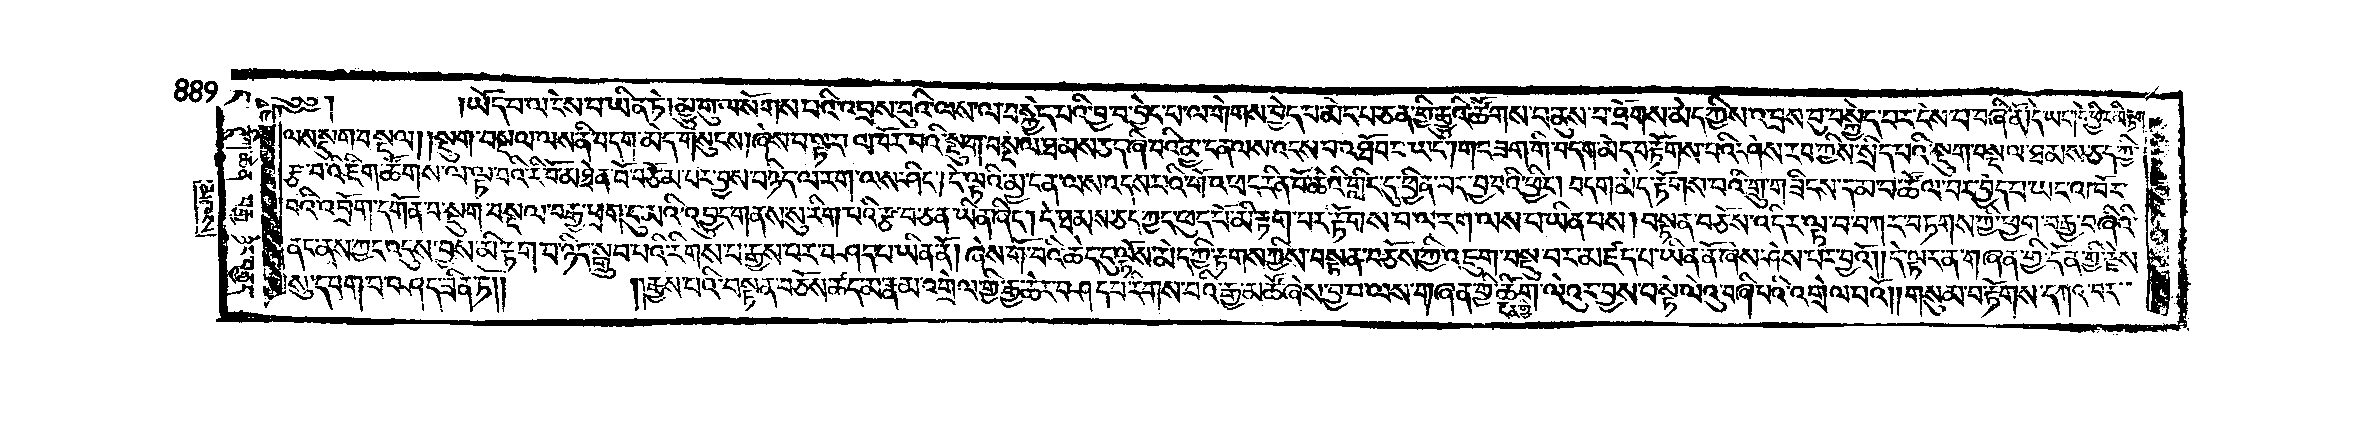༄༅། །ཡོད་པ་ལ་ངེས་པ་ཡིན་ཏེ། མྱུ་གུ་ལ་སོགས་པའི་འབྲས་བུའི་ལས་ལ་བསྐྱེད་པའི་བྱ་བ་བྱེད་པ་ལ་གེགས་བྱེད་པ་མེད་པ་ཅན་གྱི་རྒྱུའི་ཚོགས་པ་ནུས་པ་ཐོགས་མེད་ཀྱིས་འབྲས་བུ་བསྐྱེད་པར་ངེས་པ་བཞིན་ནོ། དེ་ཡང་དེའི་ཕྱིར་མི་རྟགས་
ལས་སྡུག་བསྔལ། སྡུག་བསྔལ་ལས་ནི་བདག་མེད་གསུངས། ཞེས་པ་ལྟར། འཁོར་བའི་སྡུག་བསྔལ་ཐམས་ཅད་ཞི་བའི་མྱ་ངན་ལས་འདས་པ་འཐོབ་པ་ཡང་། གང་ཟག་གི་བདག་མེད་པ་རྟོགས་པའི་ཤེས་རབ་ཀྱིས་སྲིད་པའི་སྡུག་བསྔལ་ཐམས་ཅད་ཀྱི་
རྩ་བའི་འཇིག་ཚོགས་ལ་ལྟ་བའི་རི་བོ་མཐོན་པོ་བཅོམ་པར་བྱས་པ་ཉིད་ལ་རག་ལས་ཤིང་། དེ་ལྟའི་མྱ་ངན་ལས་འདས་པའི་གོ་འཕང་རིན་པོ་ཆེའི་གླིང་དུ་ཕྱིན་པར་བྱ་བའི་ཕྱིར། བདག་མེད་རྟོགས་པའི་གྲུ་གཟིངས་དམ་པ་ཚོལ་བར་བྱེད་པ་ཡང་འཁོར་
བའི་འབྲོག་དགོན་པ་སྡུག་བསྔལ་བརྒྱ་ཕྲག་དུ་མའི་འབྱུང་གནས་སུ་རིག་པའི་རྩ་བ་ཅན་ཡིན་ཞིང་། དེ་ཐམས་ཅད་ཀྱང་ཕུང་པོ་མི་རྟག་པར་རྟོགས་པ་ལ་རག་ལས་པ་ཡིན་པས། བསྟན་བཅོས་འདིར་ལྟ་བ་བཀར་བཏགས་ཀྱི་ཕྱག་བརྒྱ་བཞིའི་
ནང་ནས་ཀྱང་འདུས་བྱས་མི་རྟག་པ་ཉིད་སྒྲུབ་པའི་རིགས་པ་རྒྱས་པར་བཤད་པ་ཡིན་ནོ། ཞེས་གོ་བའི་ཆེད་དུ་ལྟོས་མེད་ཀྱི་རྟགས་ཀྱིས་བསྟན་བཅོས་ཀྱི་འཇུག་བསྡུ་བར་མཛད་པ་ཡིན་ནོ། ཞེས་ཤེས་པར་བྱའོ། །དེ་ལྟར་ན་གཞན་གྱི་དོན་གྱི་རྗེས་
སུ་དཔག་པ་བཤད་ཟིན་ཏོ།། །།རྒྱས་པའི་བསྟན་བཅོས་ཚད་མ་རྣམ་འགྲེལ་གྱི་རྒྱ་ཆེར་བཤད་པ་རིགས་པའི་རྒྱ་མཚོ་ཞེས་བྱ་བ་ལས་གཞན་གྱི་ཚིག་དོན་གྱི་ལེའུར་བྱས་པ་སྟེ་ལེའུ་བཞི་བའི་འགྲེལ་བའོ། །གསུམ་པ་རྟོགས་དཀའ་བར་